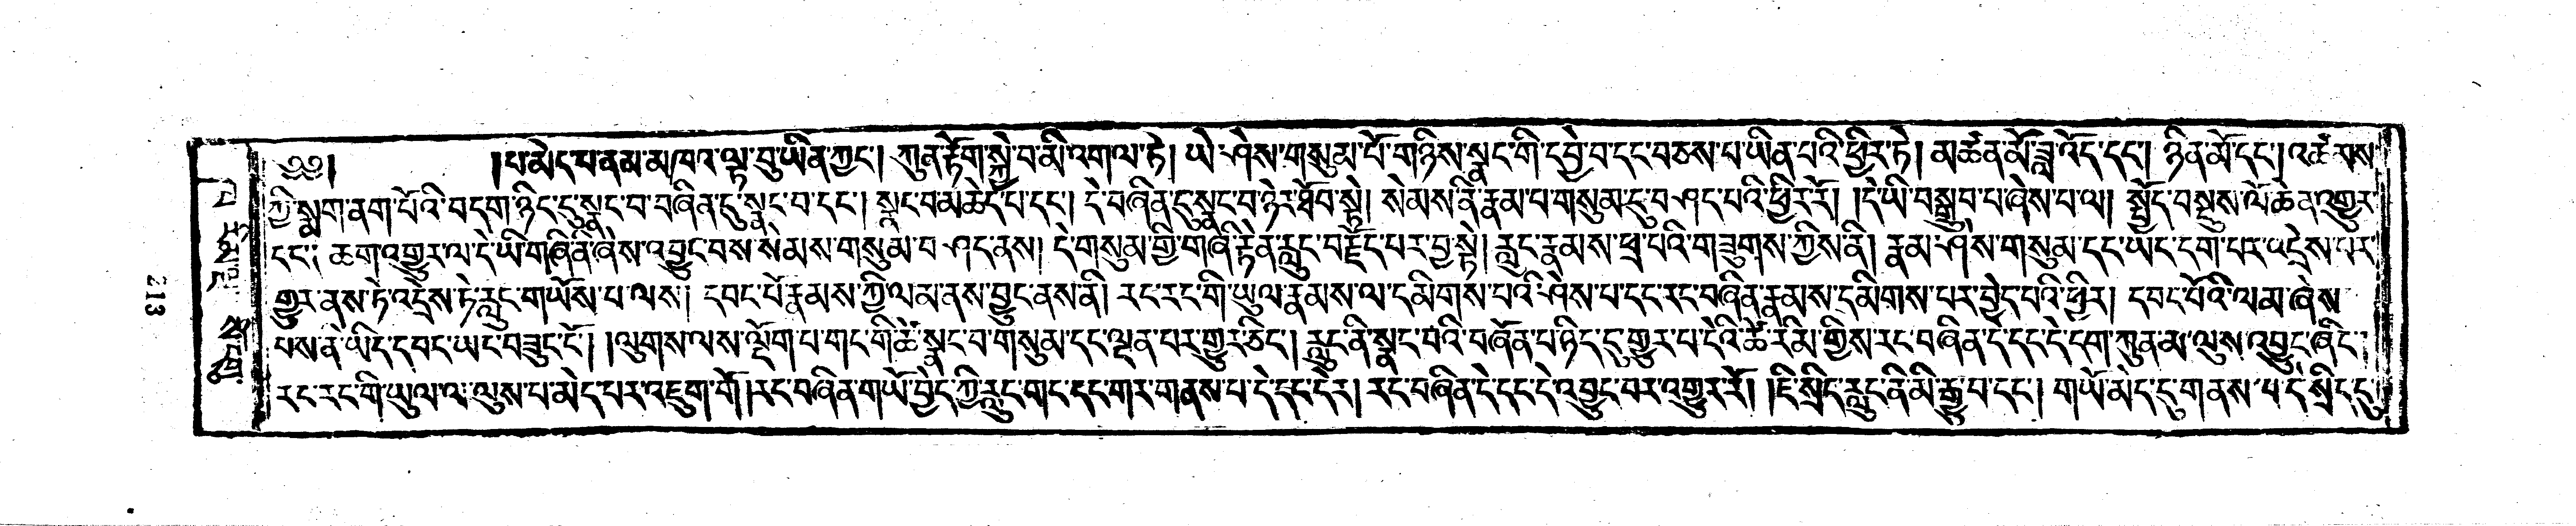༄༅། །པ་མེད་པ་ནམ་མཁའ་ལྟ་བུ་ཡིན་ཀྱང་། ཀུན་རྟོག་སྐྱེ་བ་མི་འགལ་ཏེ། ཡེ་ཤེས་གསུམ་པོ་གཉིས་སྣང་གི་དབྱེ་བ་དང་བཅས་པ་ཡིན་པའི་ཕྱིར་ཏེ། མཚན་མོ་ཟླ་འོད་དང་། ཉིན་མོ་དང་། འཚམས་
ཀྱི་སྨག་ནག་པོའི་བདག་ཉིད་དུ་སྣང་བ་བཞིན་དུ་སྣང་བ་དང་། སྣང་བ་མཆེད་པ་དང་། དེ་བཞིན་དུ་སྣང་བ་ཉེར་ཐོབ་སྟེ། སེམས་ནི་རྣམ་པ་གསུམ་དུ་བཤད་པའི་ཕྱིར་རོ། །དེ་ཡི་བསྒྲུབ་པ་ཞེས་པ་ལ། སྤྱོད་བསྡུས་ལོ་ཆེན་འགྱུར་
དང་། ཆག་འགྱུར་ལ་དེ་ཡི་གཞི་ནི་ཞེས་འབྱུང་བས་སེམས་གསུམ་བཤད་ནས། དེ་གསུམ་གྱི་གཞི་རྟེན་རླུང་བརྗོད་པར་བྱ་སྟེ། རླུང་རྣམས་ཕྲ་བའི་གཟུགས་ཀྱིས་ནི། རྣམ་ཤེས་གསུམ་དང་ཡང་དག་པར་འདྲེས་པར་
གྱུར་ནས་ཏེ་འདྲེས་ཏེ་རླུང་གཡོས་པ་ལས། དབང་པོ་རྣམས་ཀྱི་ལམ་ནས་བྱུང་ནས་ནི། རང་རང་གི་ཡུལ་རྣམས་ལ་དམིགས་པའི་ཤེས་པ་དང་རང་བཞིན་རྣམས་དམིགས་པར་བྱེད་པའི་ཕྱིར། དབང་པོའི་ལམ་ཞེས་
པས་ནི་ཡིད་དབང་ཡང་བཟུང་ངོ། །ལུགས་ལས་ལྡོག་པ་གང་གི་ཚེ་སྣང་བ་གསུམ་དང་ལྡན་པར་གྱུར་ཅིང་། རླུང་ནི་སྣང་བའི་བཞོན་པ་ཉིད་དུ་གྱུར་པ་དེའི་ཚེ་རིམ་གྱིས་རང་བཞིན་དེ་དང་དེ་དག་ཀུན་མ་ལུས་འབྱུང་ཞིང་།
རང་རང་གི་ཡུལ་ལ་ལུས་པ་མེད་པར་འཇུག་གོ །རང་བཞིན་གཡོ་བྱེད་ཀྱི་རླུང་གང་དང་གར་གནས་པ་དེ་དང་དེར། རང་བཞིན་དེ་དང་དེ་འབྱུང་བར་འགྱུར་རོ། །ཇི་སྲིད་རླུང་ནི་མི་རྒྱུ་བ་དང་། གཡོ་མེད་དུ་གནས་པ་དེ་སྲིད་དུ་